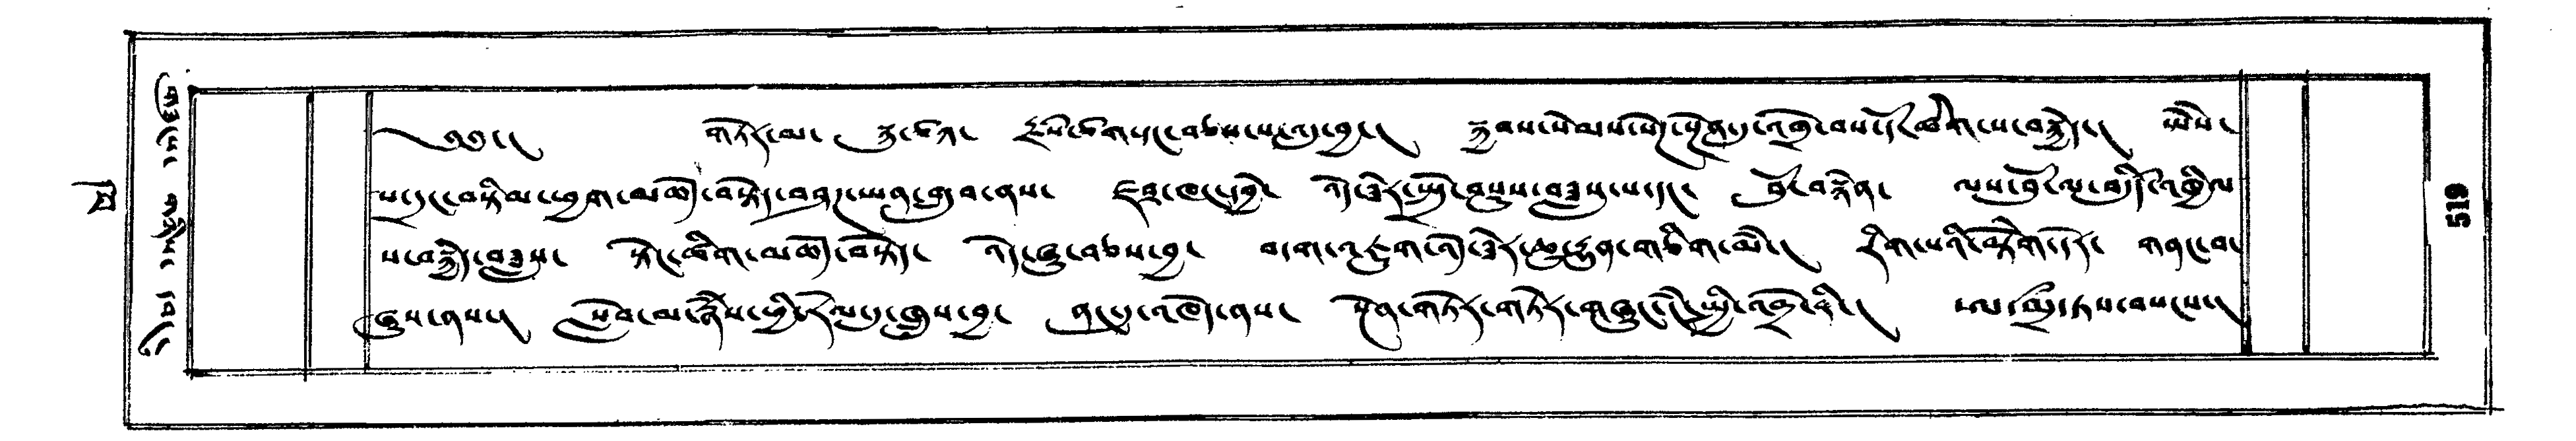གཏོར་མ། སྐུ་ཙཀ། རྫས་ཙཀ་དང་བཅས་པ་འདུ་བྱ། སྐྱབས་སེམས་སོགས་སྔོན་དུ་འགྲོ་བས་དམ་ཚིག་པ་བསྐྱེད། ཡེ་ཤེས་
པ་དྲང་བསྟིམ་ཕྱག་མཆོད་བསྟོད་བཤགས་ཡན་གྲུབ་ནས། ཛབ་ཁང་དབྱེ། འོད་ཟེར་སྤྲོ་བསྡུས་བཟླས་པ་དང་། བུམ་བསྙེན། ལས་བུམ་ལ་བདུད་རྩི་འཁྱིལ་
པ་བསྐྱེད་བཟླས། སྟོང་ཚིག་མཆོད་བསྟོད། འོད་ཞུ་བཅས་བྱ། བདག་འཇུག་འོད་ཟེར་ཆུ་རྒྱུན་གཅིག་གམ། རིག་པའི་མེ་ཏོག་དོར། གནང་བ་
ཞུས་ནས། སློབ་མ་རྣམས་ཀྱིས་ཕྱི་རོལ་དུ་ཁྲུས་བྱ། ནང་དུ་འཁོད་ནས། སྔོན་གཏོར་གཏེར་གཞུང་ངམ་སྤྱི་འགྲོ་ནི། ཨ་མྲྀ་ཏས་བསངས་